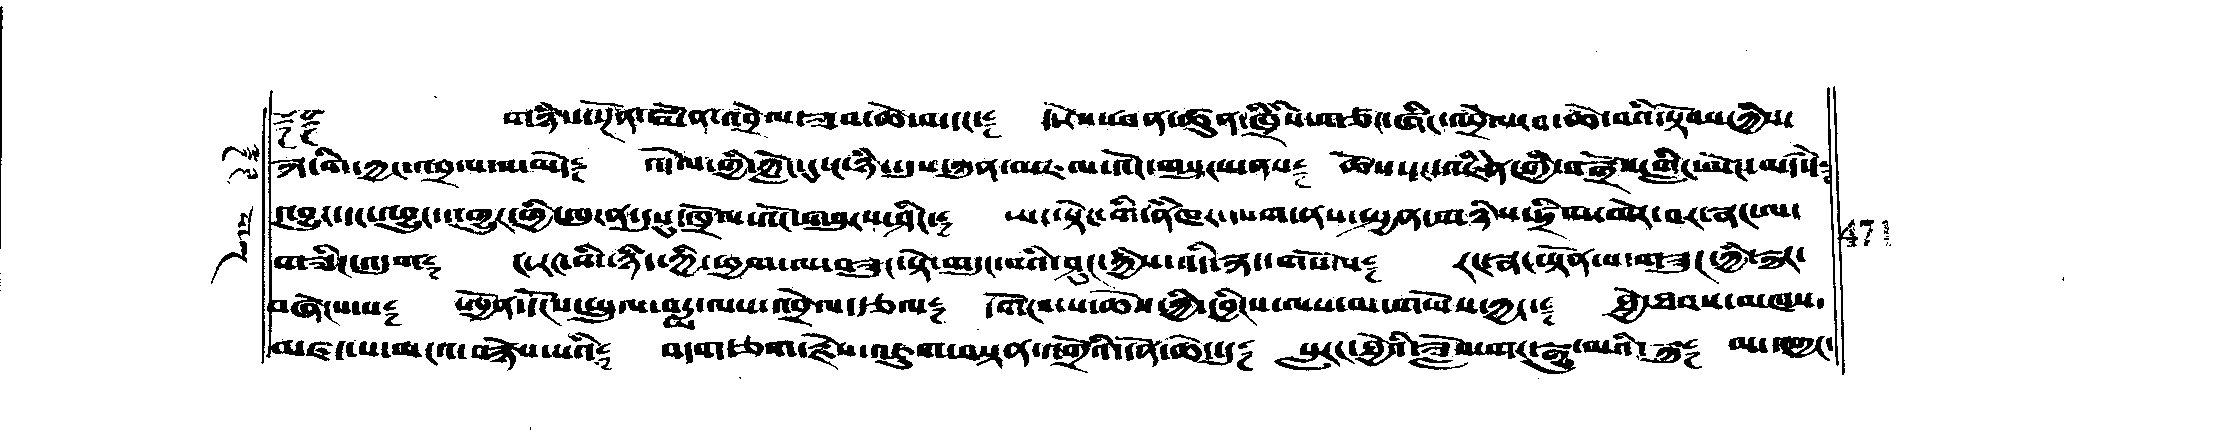གཉིས་སྔོན་སྨོན་འབྲེལ་ཟབ་ཆེ་བ་དང་། ད་རེས་ཕན་ཚུན་ཁྲིམས་གཙང་ཞིང་འབྲེལ་བ་ཆེ་བའི་སྟོབས་ཀྱིས་
སྐད་ཅིག་ཀྱང་འབྲལ་བ་མེད། འོད་གསལ་གྱི་ཀློང་དུ་ང་ཉིད་དུས་ཀུན་མཇལ་འོང་གསུངས་ནས། ཆོས་དང་འཇིག་རྟེན་གྱི་བསྒྲོ་གླེང་མང་པོ་མཛད་དེ། 
འབྱུང་དང་འབྱུང་འགྱུར་གྱི་ལུང་བསྟན་དུས་སུ་ཁྲོལ་འོང་གསུངས་ཤིང་། ཡང་སྟེང་གི་ནམ་མཁར་དཔག་ནས་སྤྱན་གཉིས་ཧྲིག་གེར་བར་སྣང་ལ་
གཟིགས་འདུག ང་རང་གི་ཉིད་ཀྱི་ཕྱག་ལ་བཟུང་སྟེ་གདུང་བའི་ཤུགས་ཀྱིས་འདི་སྐད་གསོལ། རང་སྣང་སྟོན་པ་གཟུགས་ཀྱི་སྐུར་
བཞེངས་པ། །ཨོ་རྒྱན་དངོས་སྤྲུལ་པདྨ་ལས་འབྲེལ་རྩལ། །དགོངས་པ་ཆོས་ཀྱི་དབྱིངས་ལས་མ་གཡོས་ཀྱང་། །ཐུགས་རྗེ་ཐབས་མཁས་
མཛད་པ་མངའ་བརྙེས་པའི། །བདག་ཅག་རྗེས་འཇུག་བསྟན་འགྲོའི་དོན་ཆེད་དུ། །སླར་ཡང་ཐུགས་རྗེ་ཟློས་གར་སྒྱུ་མའི་སྐུ། །མ་འགྱང་